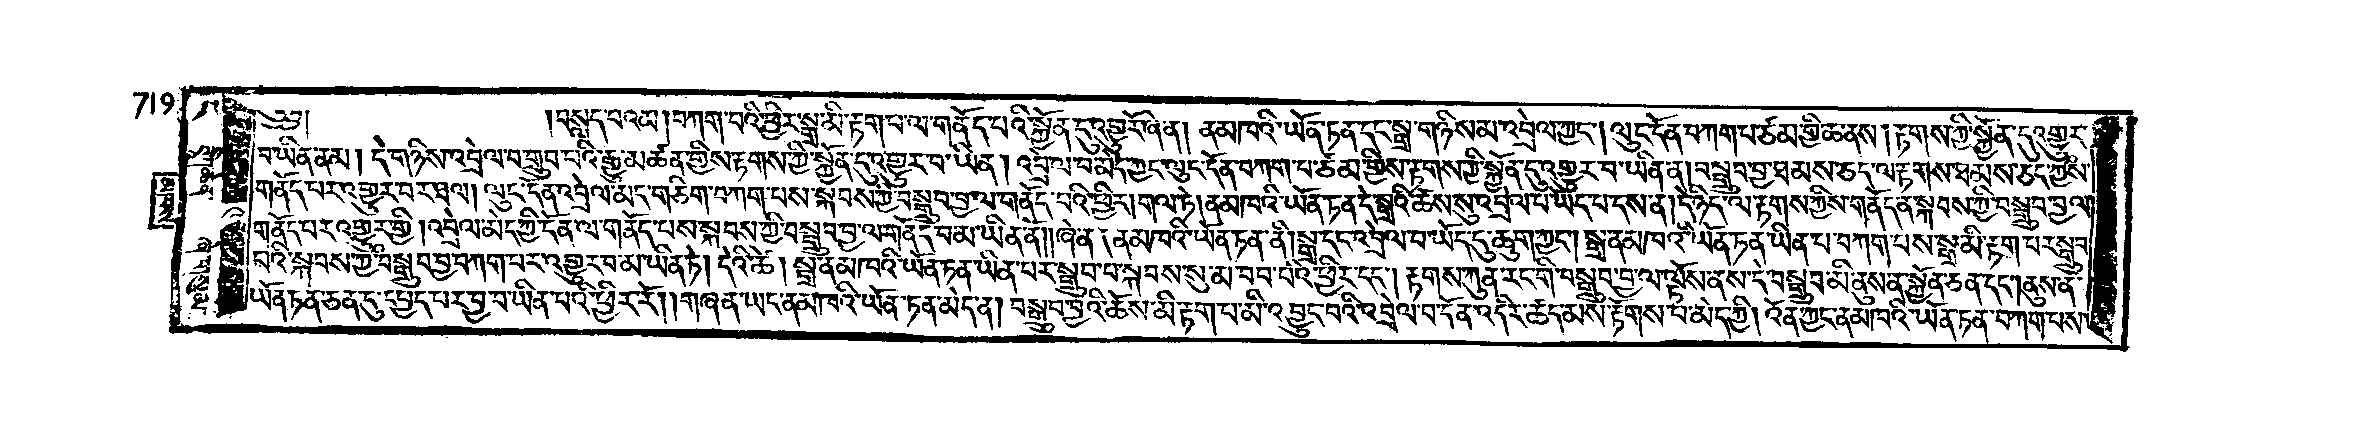༄༅། །བསླད་པའམ། བཀག་པའི་ཕྱིར་སྒྲ་མི་རྟག་པ་ལ་གནོད་པའི་སྐྱོན་དུ་འགྱུར་རོ་ཞེ་ན། ནམ་མཁའི་ཡོན་ཏན་དང་སྒྲ་གཉིས་མ་འབྲེལ་ཀྱང་། ལུང་དོན་བཀག་པ་ཙམ་གྱི་ཆ་ནས། རྟགས་ཀྱི་སྐྱོན་དུ་འགྱུར་
བ་ཡིན་ནམ། དེ་གཉིས་འབྲེལ་བ་གྲུབ་པའི་རྒྱུ་མཚན་གྱིས་རྟགས་ཀྱི་སྐྱོན་དུ་འགྱུར་བ་ཡིན། འབྲེལ་བ་མེད་ཀྱང་ལུང་དོན་བཀག་པ་ཙམ་གྱིས་རྟགས་ཀྱི་སྐྱོན་དུ་འགྱུར་བ་ཡིན་ན། བསྒྲུབ་བྱ་ཐམས་ཅད་ལ་རྟགས་ཐམས་ཅད་ཀྱིས་
གནོད་པར་འགྱུར་བར་ཐལ། ལུང་དོན་འབྲེལ་མེད་གཅིག་བཀག་པས་སྐབས་ཀྱི་བསྒྲུབ་བྱ་ལ་གནོད་པའི་ཕྱིར། གལ་ཏེ། ནམ་མཁའི་ཡོན་ཏན་དེ་སྒྲའི་ཆོས་སུ་འབྲེལ་བ་ཡོད་པ་དེས་ན། དེ་ཉིད་ལ་རྟགས་ཀྱིས་གནོད་ན་སྐབས་ཀྱི་བསྒྲུབ་བྱ་ལ་
གནོད་པར་འགྱུར་གྱི། འབྲེལ་མེད་ཀྱི་དོན་ལ་གནོད་པས་སྐབས་ཀྱི་བསྒྲུབ་བྱ་ལ་གནོད་པ་མ་ཡིན་ནོ། །ཞེ་ན། ནམ་མཁའི་ཡོན་ཏན་ནི། སྒྲ་དང་འབྲེལ་བ་ཡོད་དུ་ཆུག་ཀྱང་། སྒྲ་ནམ་མཁའི་ཡོན་ཏན་ཡིན་པ་བཀག་པས་སྒྲ་མི་རྟག་པར་སྒྲུབ་
པའི་སྐབས་ཀྱི་བསྒྲུབ་བྱ་བཀག་པར་འགྱུར་བ་མ་ཡིན་ཏེ། དེའི་ཚེ། སྒྲ་ནམ་མཁའི་ཡོན་ཏན་ཡིན་པར་སྒྲུབ་པ་སྐབས་སུ་མ་བབ་པའི་ཕྱིར་དང་། རྟགས་ཀུན་རང་གི་བསྒྲུབ་བྱ་ལ་ལྟོས་ནས་དེ་བསྒྲུབ་མི་ནུས་ན་སྐྱོན་ཅན་དང་། ནུས་ན་
ཡོན་ཏན་ཅན་དུ་དཔྱད་པར་བྱ་བ་ཡིན་པའི་ཕྱིར་རོ། །གཞན་ཡང་ནམ་མཁའི་ཡོན་ཏན་མེད་ན། བསྒྲུབ་བྱའི་ཆོས་མི་རྟག་པ་མི་འབྱུང་བའི་འབྲེལ་བ་དོན་འདིར་ཚད་མས་རྟོགས་པ་མེད་ཀྱི། འོན་ཀྱང་ནམ་མཁའི་ཡོན་ཏན་བཀག་པས་